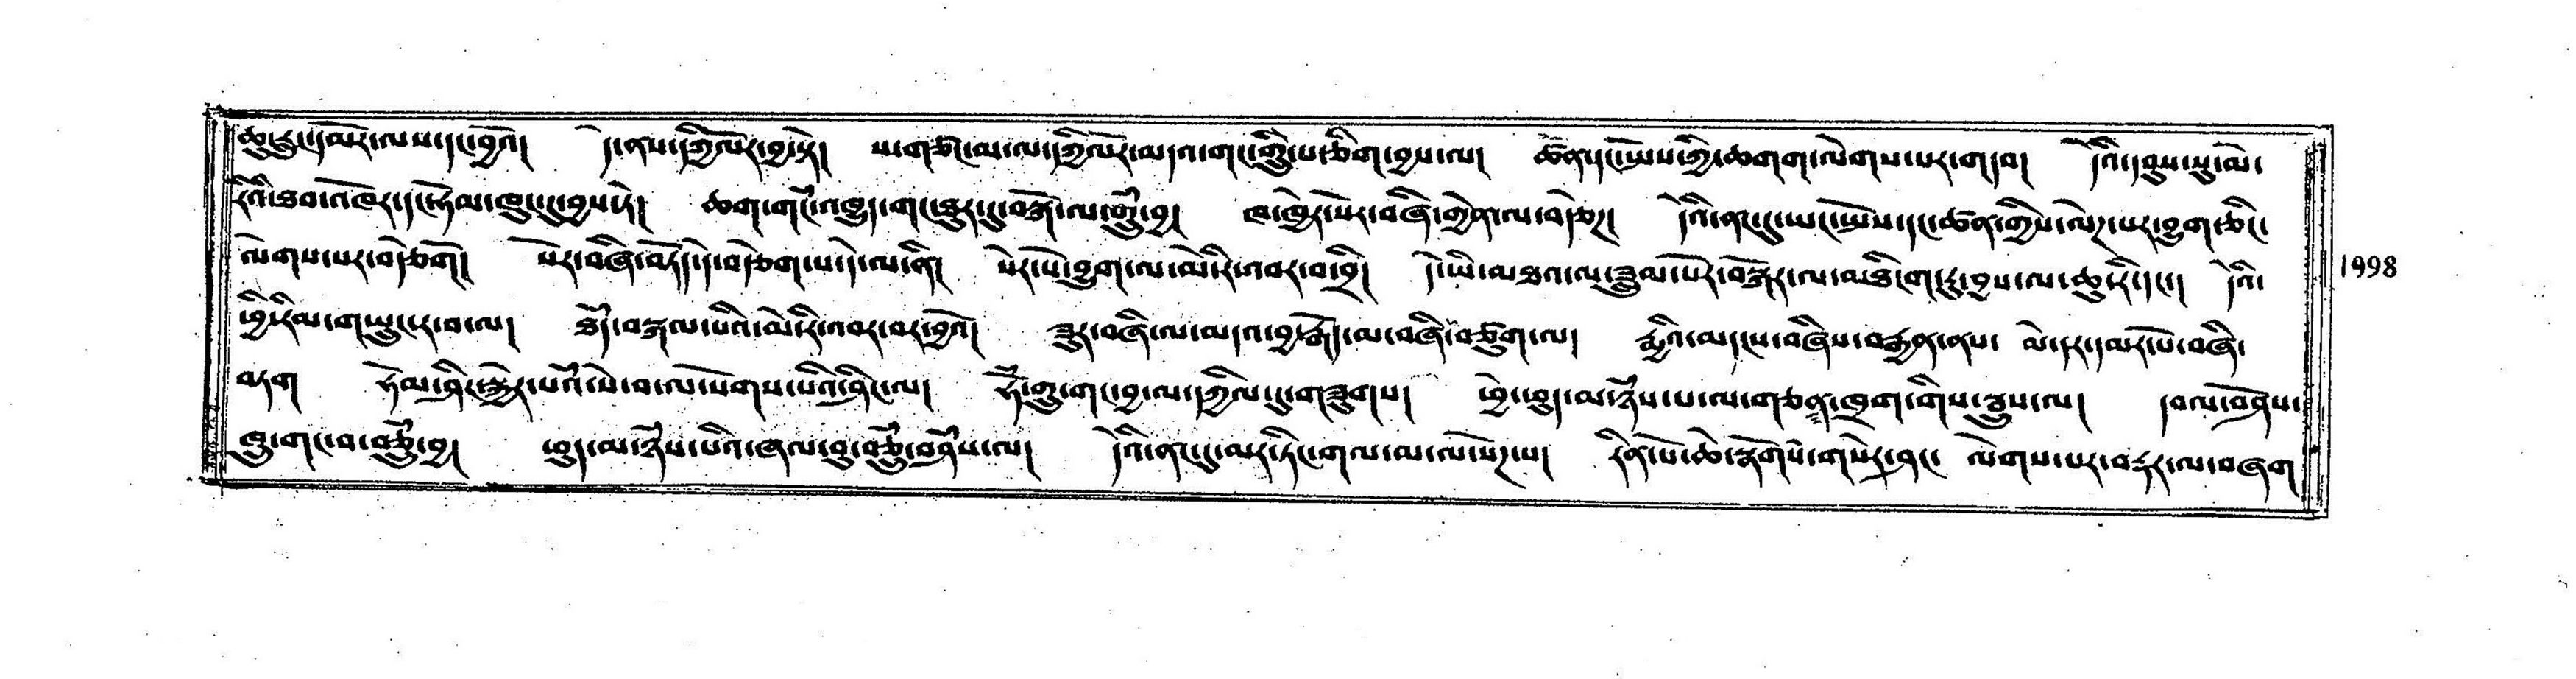ཆུ་རླུང་དམར་པོ་ལས་དང་བྱའོ། དེ་ནས་དཀྱིལ་འཁོར་བྱ་སྟེ། ས་གཙང་མ་ལ་དཀྱིལ་འཁོར་མདའ་གང་གྲུ་བཞི་པ་ཅིག་བྱས་ལ། ཚོན་དང་སྤོས་ཀྱི་ཆག་ཆག་ལེགས་པར་གདབ། དེའི་དབུས་སུ་མེ་
རིའི་ཐོབ་འཁོར་དང་ཧོམ་ཁུང་དུ་བྱས་ཏེ། ཆག་གངཾ་འཁྱུད་གང་ཐུར་དུ་བསྐོ་ལ་གྲུ་གསུམ་བྱ། ཁ་ཁྱེར་སོར་བཞི་གྱེན་ལ་བརྩེགས། དེའི་ནང་དུ་ཡང་སྤོས་དང་ཚན་གྱིས་ལེགས་པར་བྱུག་ཅིང་
ལེགས་པར་བརྩེག་གོ། སོར་བཞི་བཏོད་དེ་བརྩེག་པ་དེ་ལ་ནི། སེར་པོ་བྱུག་ལ་མེ་རི་འབར་བ་བྲི། དེ་ཡི་མཐའ་ལ་ཟླུམ་པོར་བསྐོར་ལ་མཐིང་ནག་ཏུ་བྱས་ལ་ཆུ་རི་དང་། དེའི་
ཕྱི་རིམ་གཡུང་དྲུང་རྭ་བ་ལ། ཐམས་ཅད་བསྐལ་པའི་མེ་རི་འབར་བར་བྱའོ། ཟུར་བཞི་ལ་མདའ་བྱ་རྒོད་མ་བཞི་བཙུག་ལ། རྨྱའི་མདངས་བཞིས་བརྒྱན་ནས་མེ་དར་དམར་པོ་བཞི་
བཏག ཧོམ་ཤིང་སྐྱེར་པའམ་སེ་བ་ལ་སོགས་པའི་ཤིང་ལ། ཧོཾ་གྲུ་གང་བྱ་ལ་དཀྱིལ་དུ་གཟུགས། ཕྱེ་ཕུད་མ་ཉམས་པ་ལ་གཅན་ཟན་ཁྲག་གིས་སྦྲུས་ལ། དབལ་བཤོས་
ཁྲུ་གང་བ་བཅུ་གསུམ་བྱ། ཕུད་མ་ཉམས་པའི་ཞལ་བུ་བཅུ་གསུམ་བཤམས་ལ། དེའི་ནང་དུ་མར་ཏིང་གལ་མ་ལ་སོགས་པ། རིན་པོ་ཆེ་སྣ་ཚོགས་གསེར་ཤང་ལེགས་པར་བརྡར་ལ་བཞག་